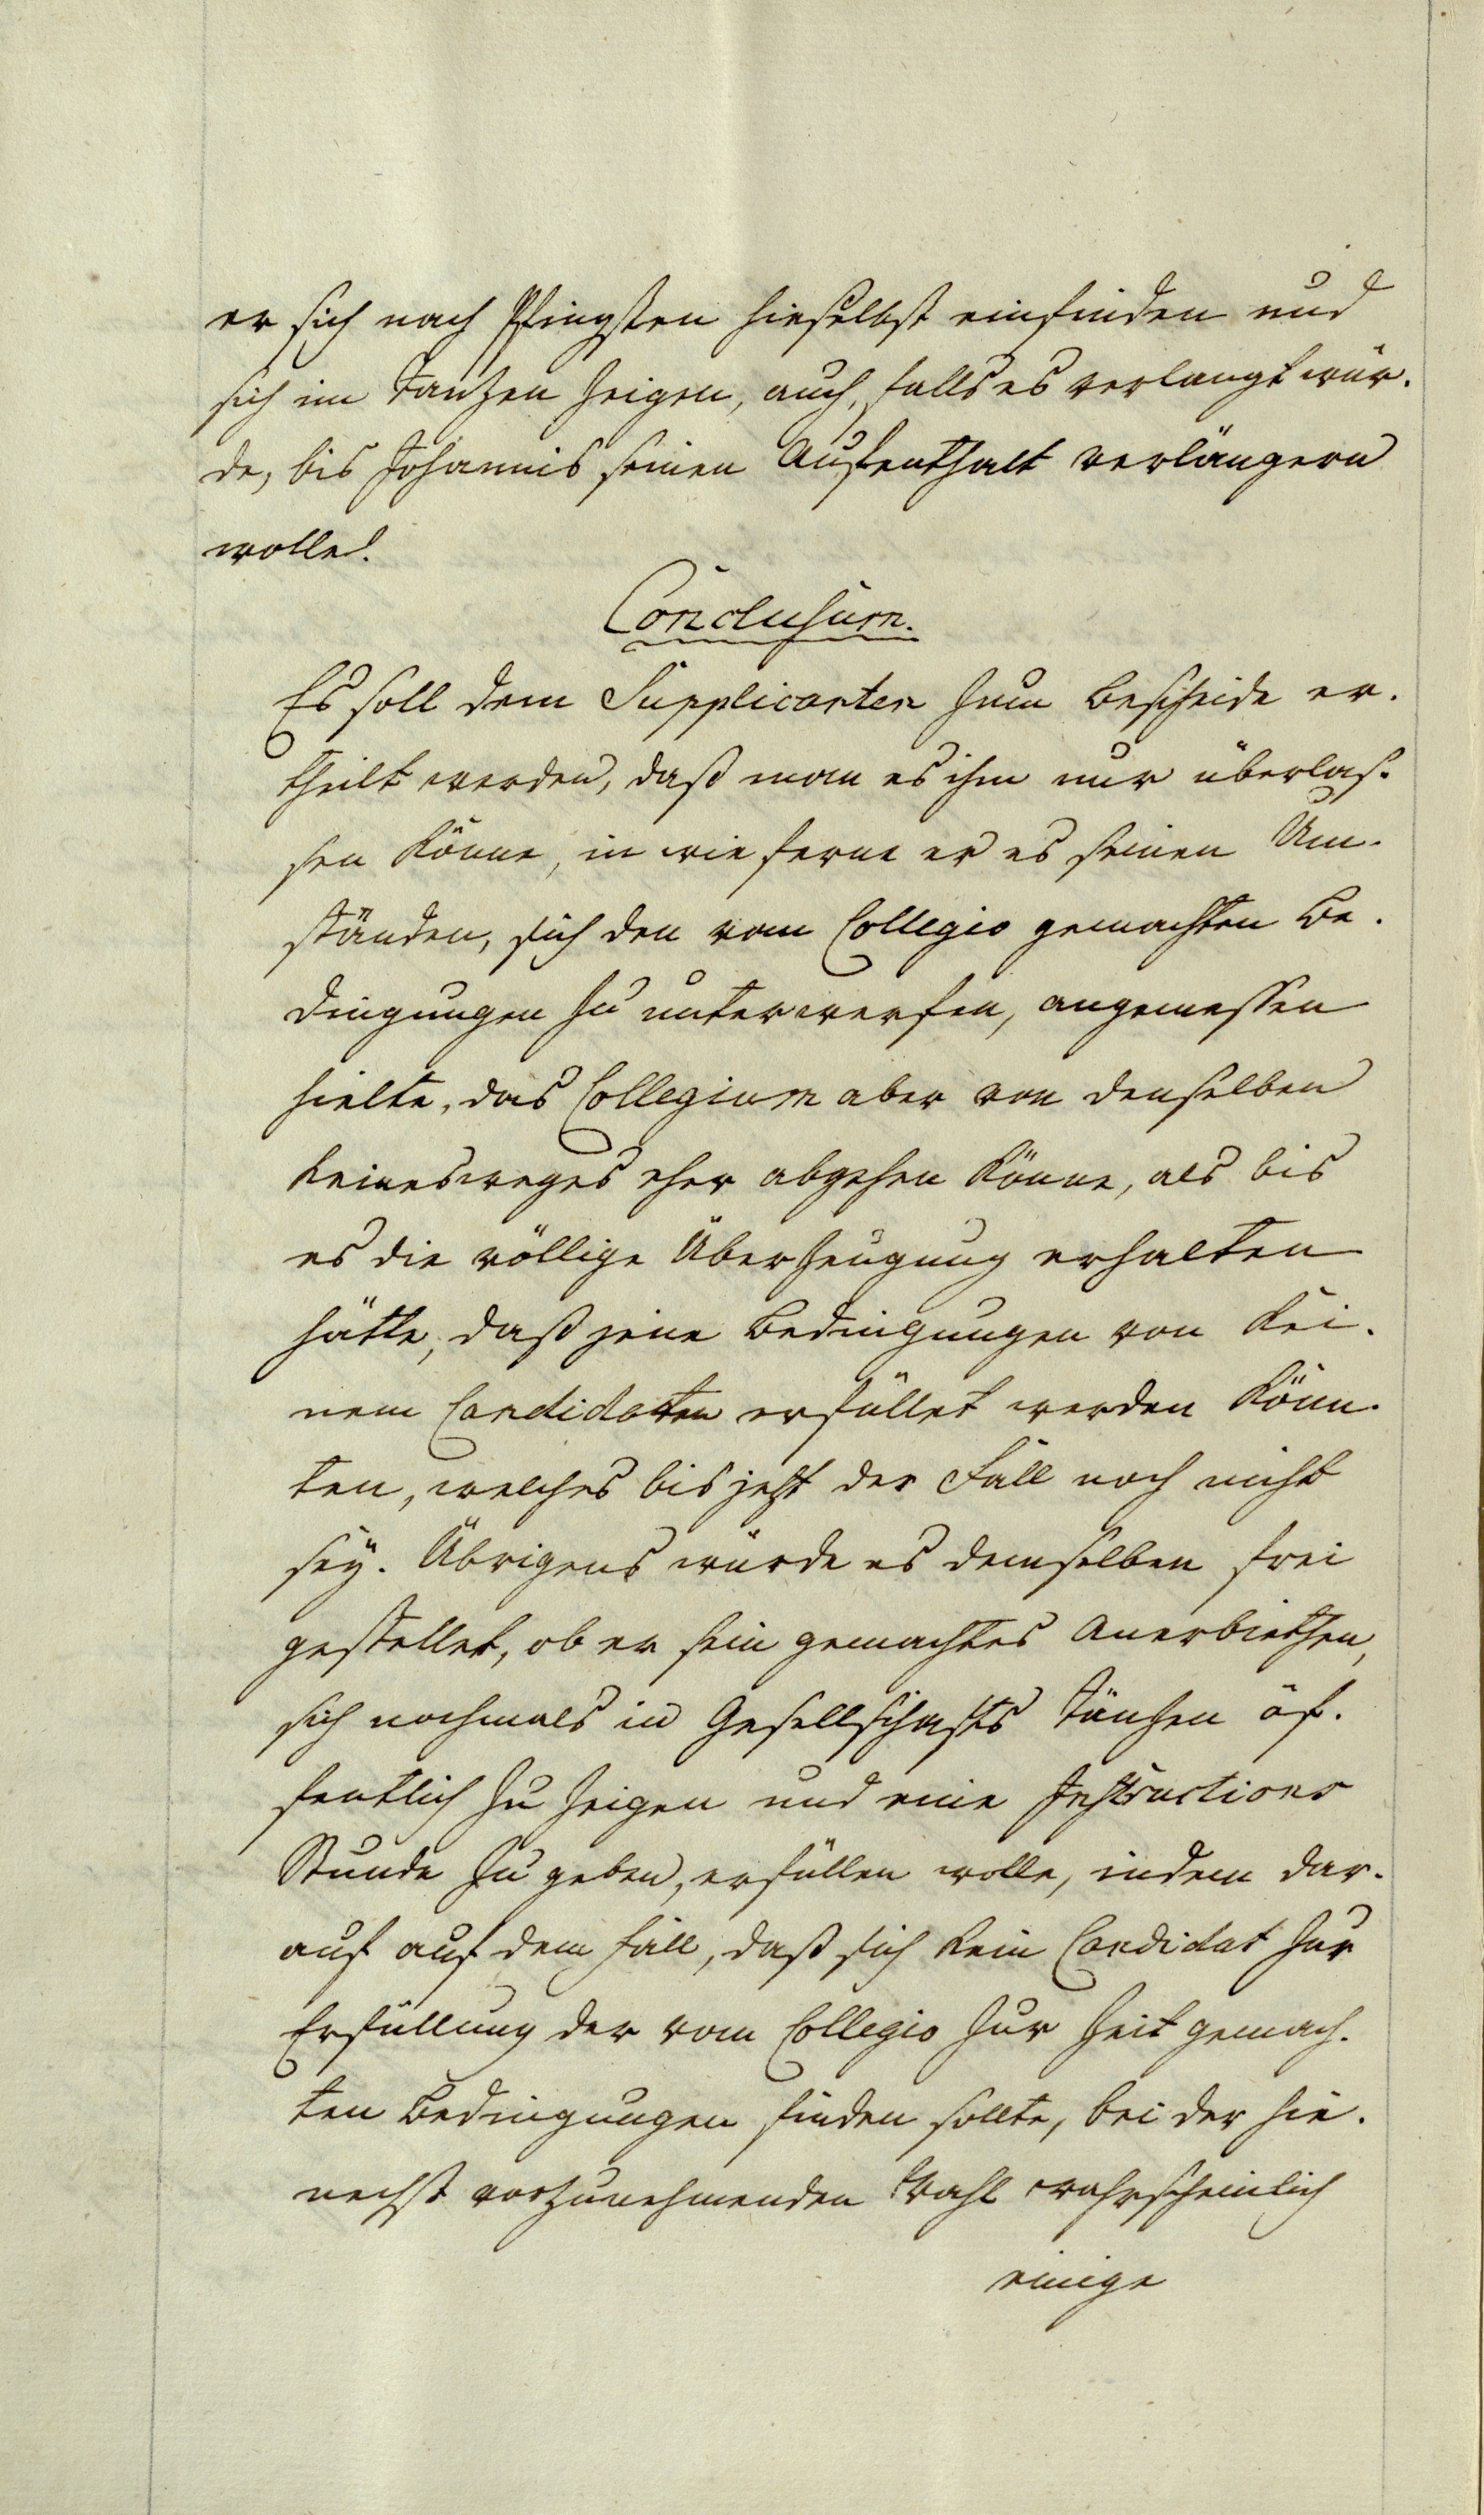er sich nach Pfingsten hieselbst einfinden und
sich im Tanzen zeigen, auch, falls es verlangt wür¬
de, bis Johannis seinen Aufenthalt verlängern
wolle?
Conclusum.
Es soll dem Supplicanten zum Bescheide er¬
theilt werden, daß man es ihm nur überlas¬
sen könne, in wie fern er es seinen Um¬
ständen, sich den vom Collegio gemachten Be¬
dingungen zu unterwerfen, angemessen
hielte, das Collegium aber von denselben
keinesweges eher abgehen könne, als bis
es die völlige Überzeugung erhalten
hätte, daß seine Bedingungen von kei¬
nem Candidaten erfüllet werden könn¬
ten, welches bis jetzt der Fall noch nicht
seÿ. Übrigens würde es demselben frei
gestellt, ob er sein gemachtes Anerbiethen,
sich nochmals in Gesellschafts Tänzen öf¬
fentlich zu zeigen und eine Instructions
Stunde zu geben, erfüllen wolle, indem dar¬
auf auf dem Fall, daß sich kein Candidat zur
Erfüllung der vom Collegio zur Zeit gemach¬
ten Bedingungen finden sollte, bei der hie¬
nechst vorzunehmenden Wahl wahrscheinlich
einige